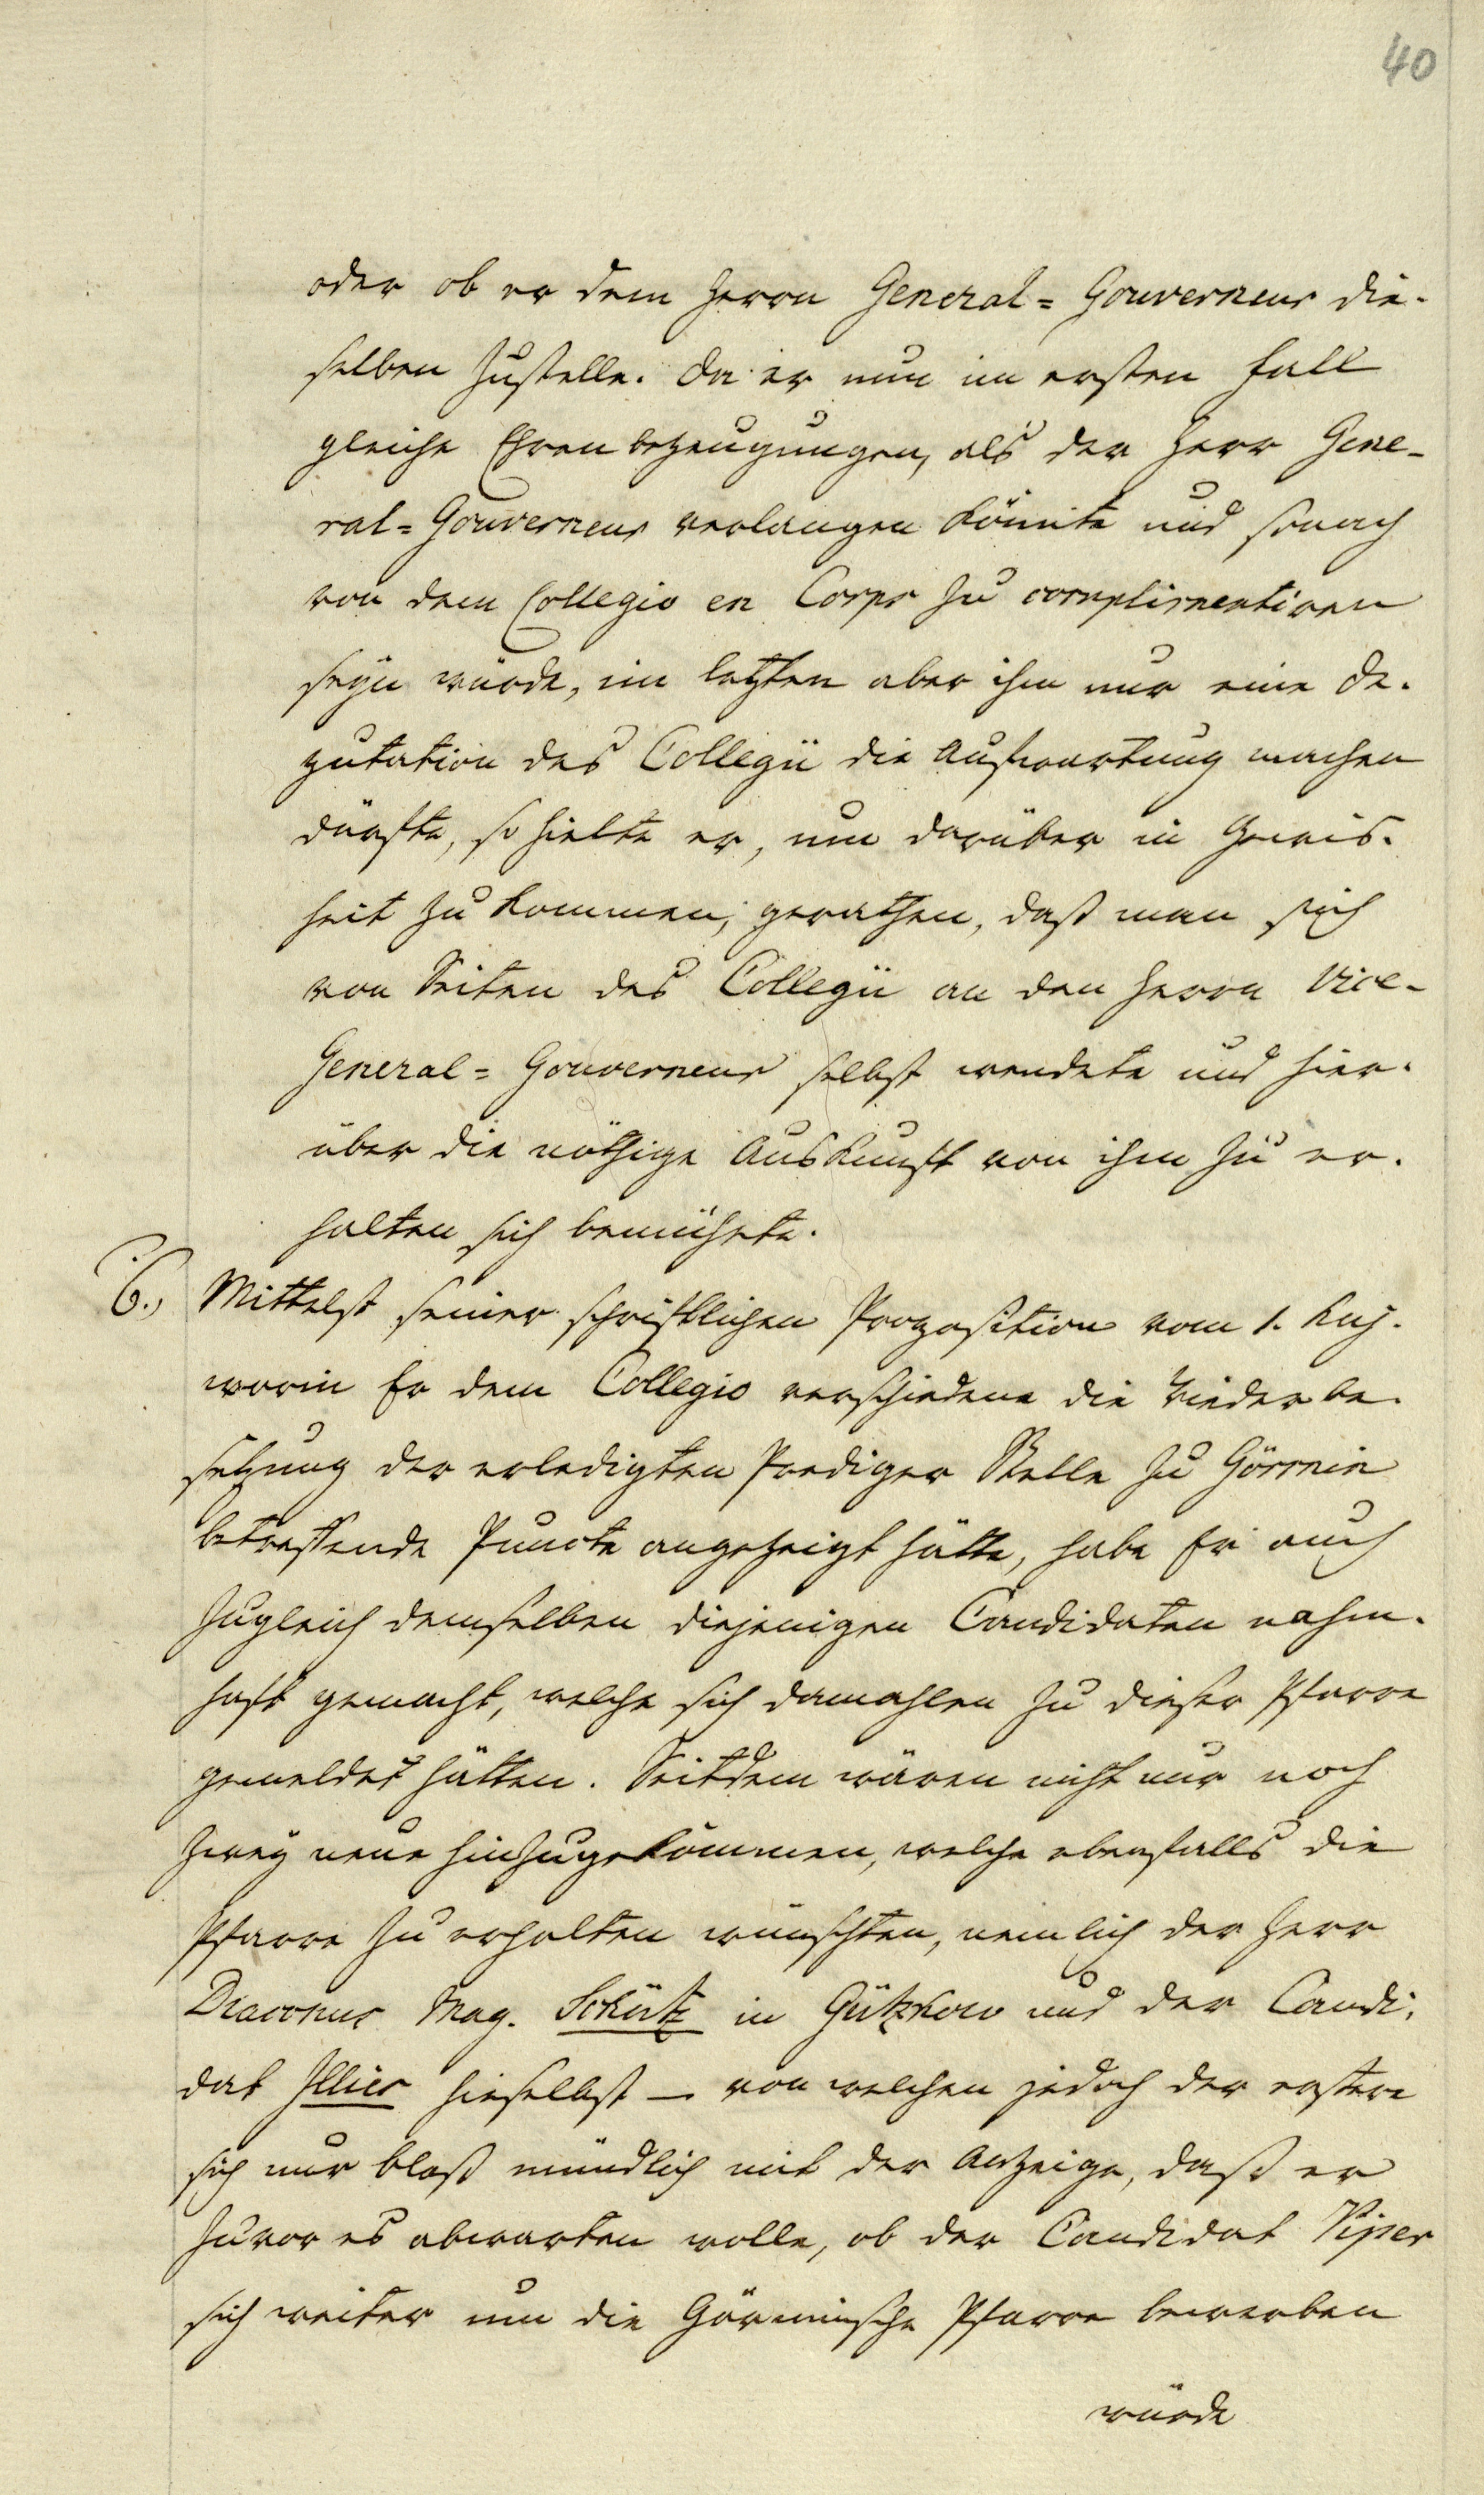oder ob er dem Herrn General-Gouverneur die¬
selben zustelle. Da er nun in ersten Fall
gleiche Ehren bezeugungen, als der Herr Gene¬
ral- Gouverneur verlangen könnte und sonach
von dem Collegio en Corps zu complimentiren
seÿn würde, im letzten aber ihm nur eine De¬
putation des Collegii die Aufwartung machen
dürfte, so hielte er, um darüber in Gewis¬
heit zu kommen; gerathen, daß man sich
von Seiten des Collegii an den herrn Vice-
General- Gouverneur selbst wendete und hier¬
über die nöthige Auskunft von ihm zu er¬
halten sich bemühete.
6., Mittelst seiner schriftlichen Proposition vom 1. huj.
worin Er dem Collegio verschiedene die Wiederbe¬
setzung der erledigten Prediger Stelle zu Görmin
betreffende Puncte angezeigt hätte, habe Er auch
zugleich demselben diejenigen Candidaten nahm¬
haft gemacht, welche sich damahlen zu dieser Pfarre
gemeldet hätten. Seitdem wären nicht nur noch
zweÿ neue hinzugekommen, welche ebenfalls die
Pfarre zu erhalten wünschten, nemlich der Herr
Diaconus Mag. Schütz in Gützkow und der Candi¬
dat Illies hieselbst von welchen jedoch der erstere
sich nur bloß mündlich mit der Anzeige, daß er
zuvor es abwarten wolle, ob der Candidat Piper
sich weiter um die Görminsche Pfarre bewerben
würde